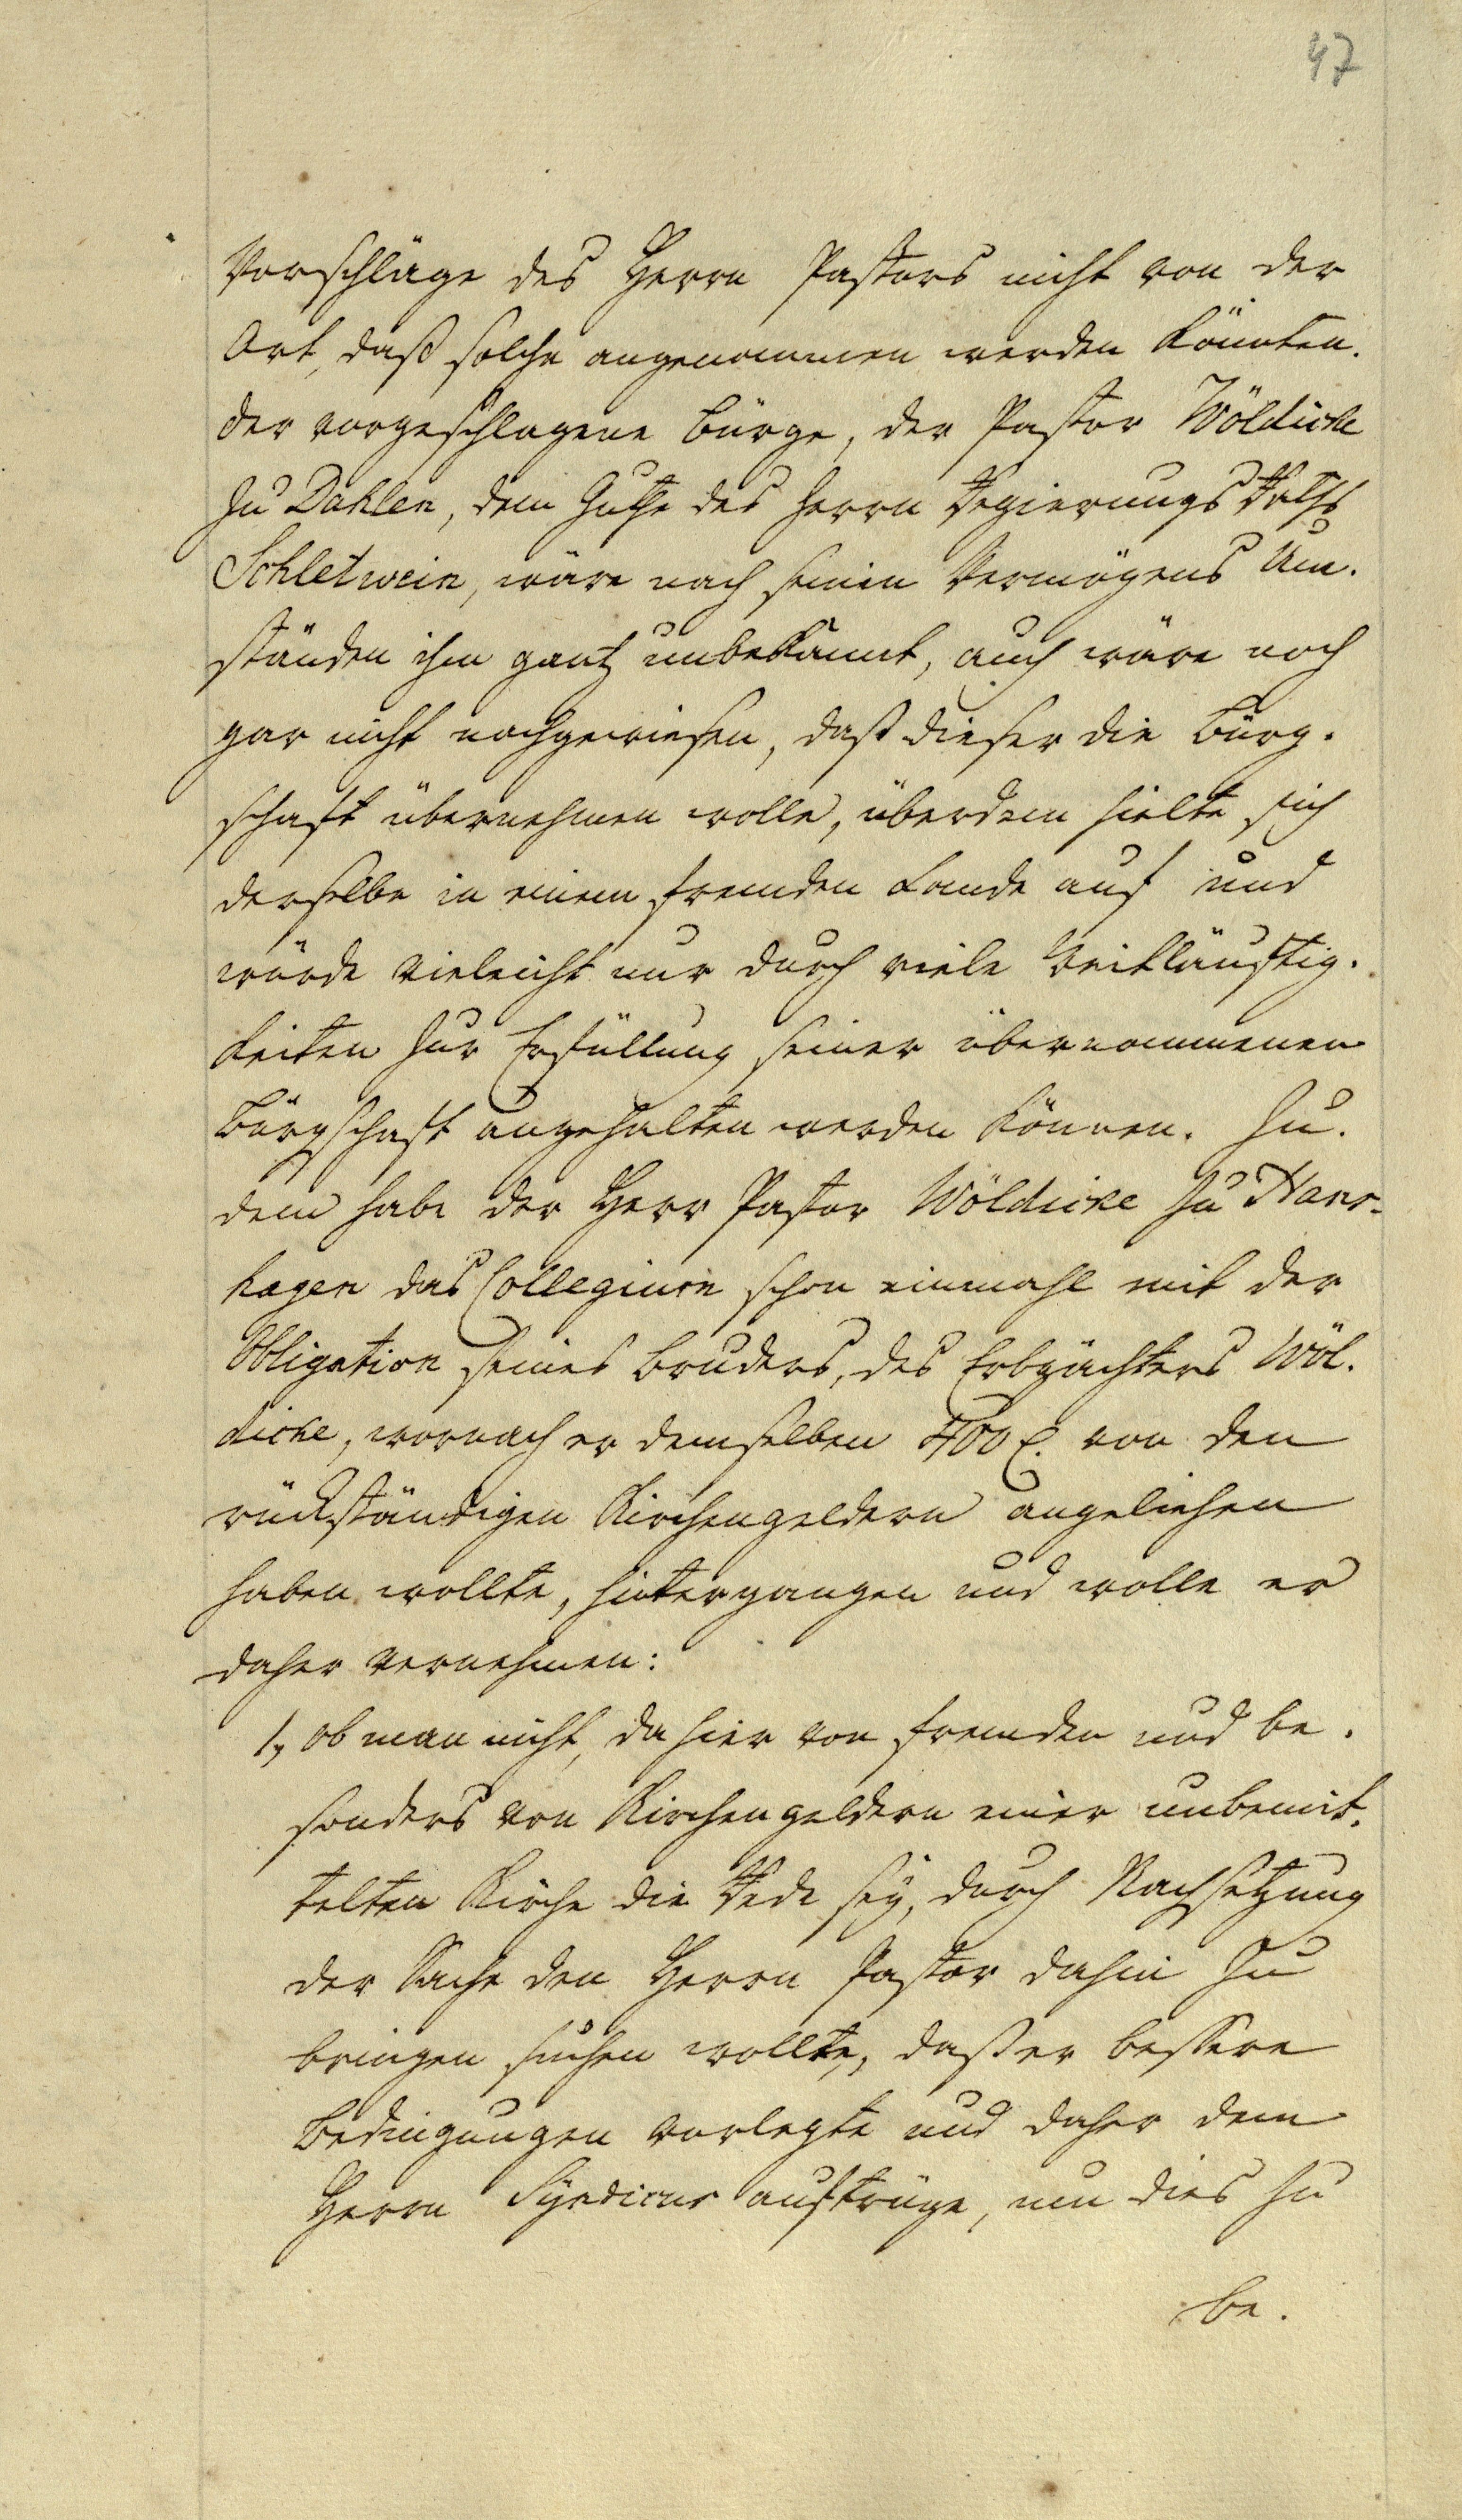Vorschläge des Herrn Pastors nicht von der
Art, daß solche angenommen werden könnten.
Der vorgeschlagene Bürge, der Pastor Wöldicke
zu Dahlen, dem Guthe des Herrn Regierungs Raths
Schletwein, wäre nach seinen Vermögens Um¬
ständen ihm gantz unbekannt, auch wäre noch
gar nicht nachgewiesen, daß dieser die Bürg¬
schaft übernehmen wolle, überdem hielte sich
derselbe in einem fremden Lande auf und
würde vieleicht nur durch viele Weitläuftig¬
keiten zur Erfüllung seiner übernommenen
Bürgschaft angehalten werden können. Zu¬
dem habe der Herr Pastor Wöldicke zu Hans¬
hagen das Collegium schon einmahl mit der
Obligation seines Bruders, des Erbpächtens Wöl¬
dicke, wornach er demselben 400 l. von den
rückständigen Kirchengeldern angeliehen
haben wollte, hintergangen und wolle er
daher vernehmen:
1., ob man nicht, da hier von fremden und be¬
sonders von Kirchengeldern einer unbemit¬
telten Kirche die Rede seÿ, durch Nachsetzung
der Sache den Herrn Pastor dahin zu
bringen suchen wollte, daß er bessere
Bedingungen vorlegte und daher dem
Herrn Sÿndicus auftrüge, um dies zu
be.